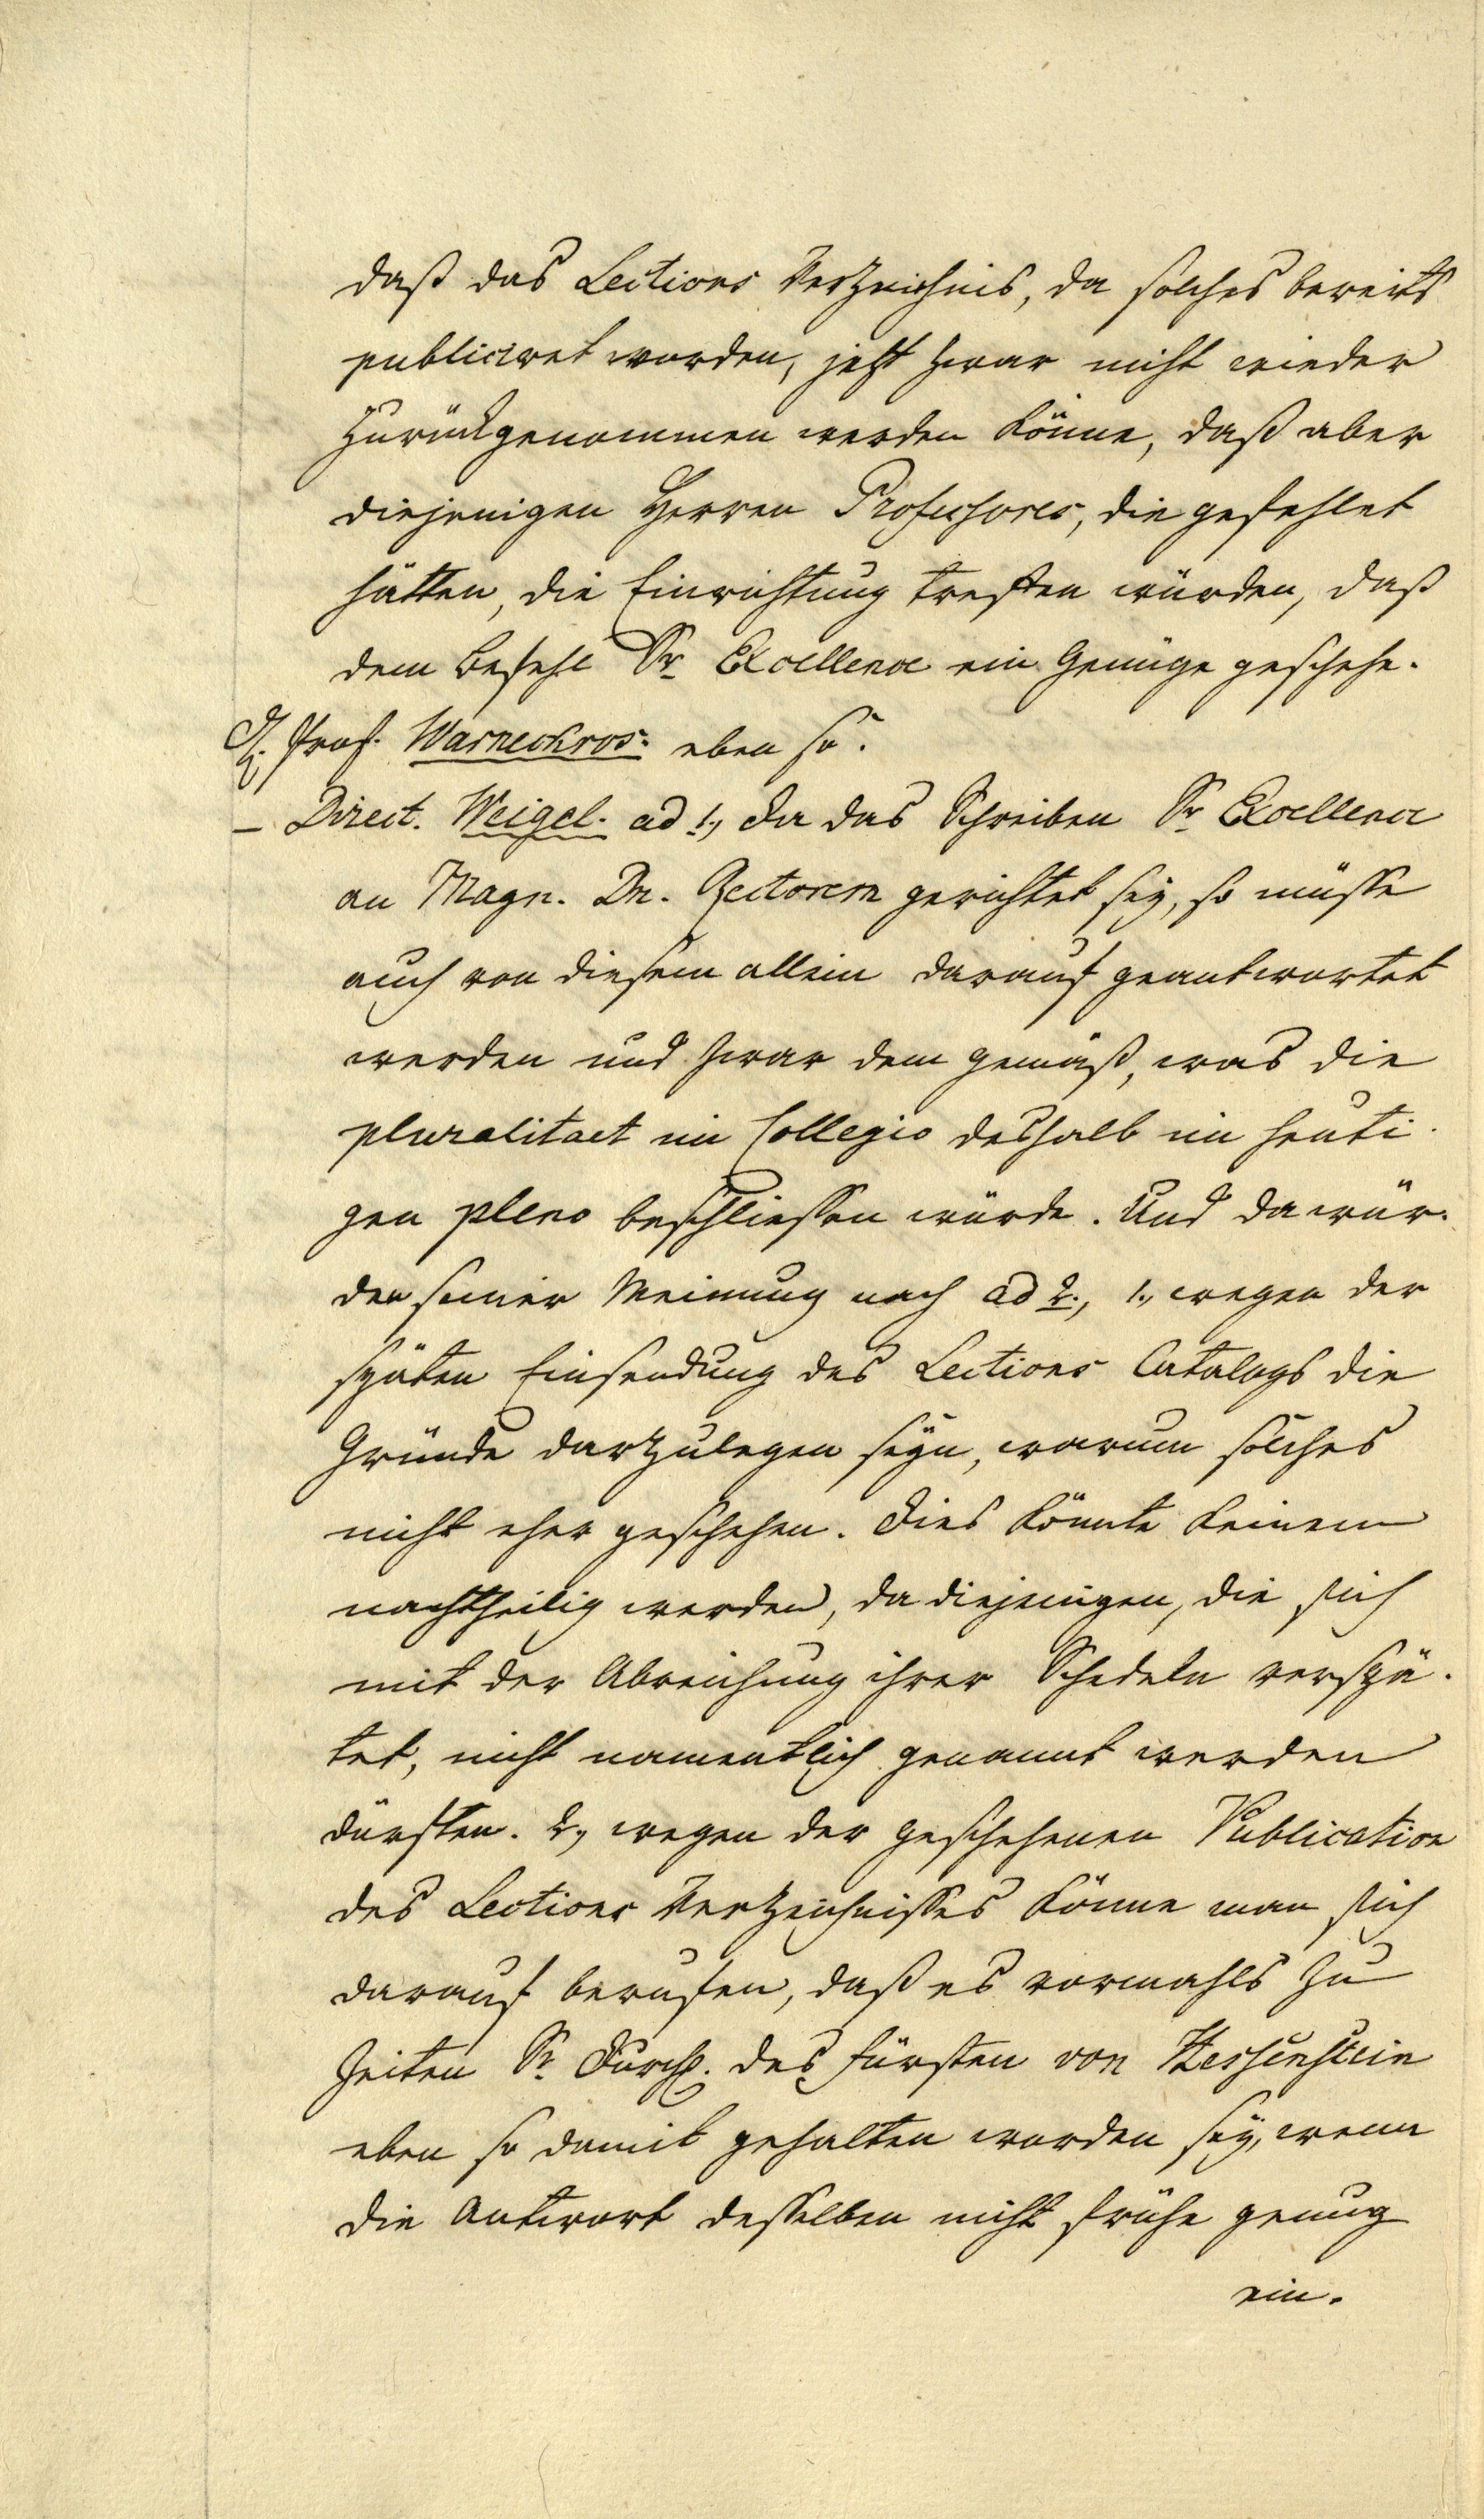daß das Lections Verzeichnis, da solches bereits
publiciret worden, jetzt zwar nicht wieder
zurückgenommen werden könne, daß aber
diejenigen Herren Professores, die gefehlet
hätten, die Einrichtung treffen würden, daß
dem Befehl Sr Excellence ein Genüge geschehe.
dh. Prof. Warneckros: eben so.
Direct. Weigel. ad 1., Da das Schreiben Sr Excellence
an Magn. Dn. Rectorem gerichtet seÿ, so müsse
auch von diesem allein darauf geantwortet
werden und zwar dem gemäß, was die
pluralitaet im Collegio deshalb im heuti¬
gen pleno beschliessen würde. Und da wür¬
den seiner Meinung nach ad 2., 1., wegen der
späten Einsendung des Lections Catalogs die
Gründe darzulegen seÿn, warum solches
nicht eher geschehen. Dies könnte keinem
nachtheilig werden, da diejenigen, die sich
mit der Abreichung ihrer Schedeln verspä¬
tet, nicht namentlich genannt werden
dürften. 2., wegen der geschehenen Publication
des Lections Verzeichnisses könne man sich
darauf berufen, daß es vormahls zu
Zeiten Sr Durchl. des Fürsten von Hessenstein
eben so damit gehalten worden seÿ, wenn
die Antwort desselben nicht frühe genug
ein